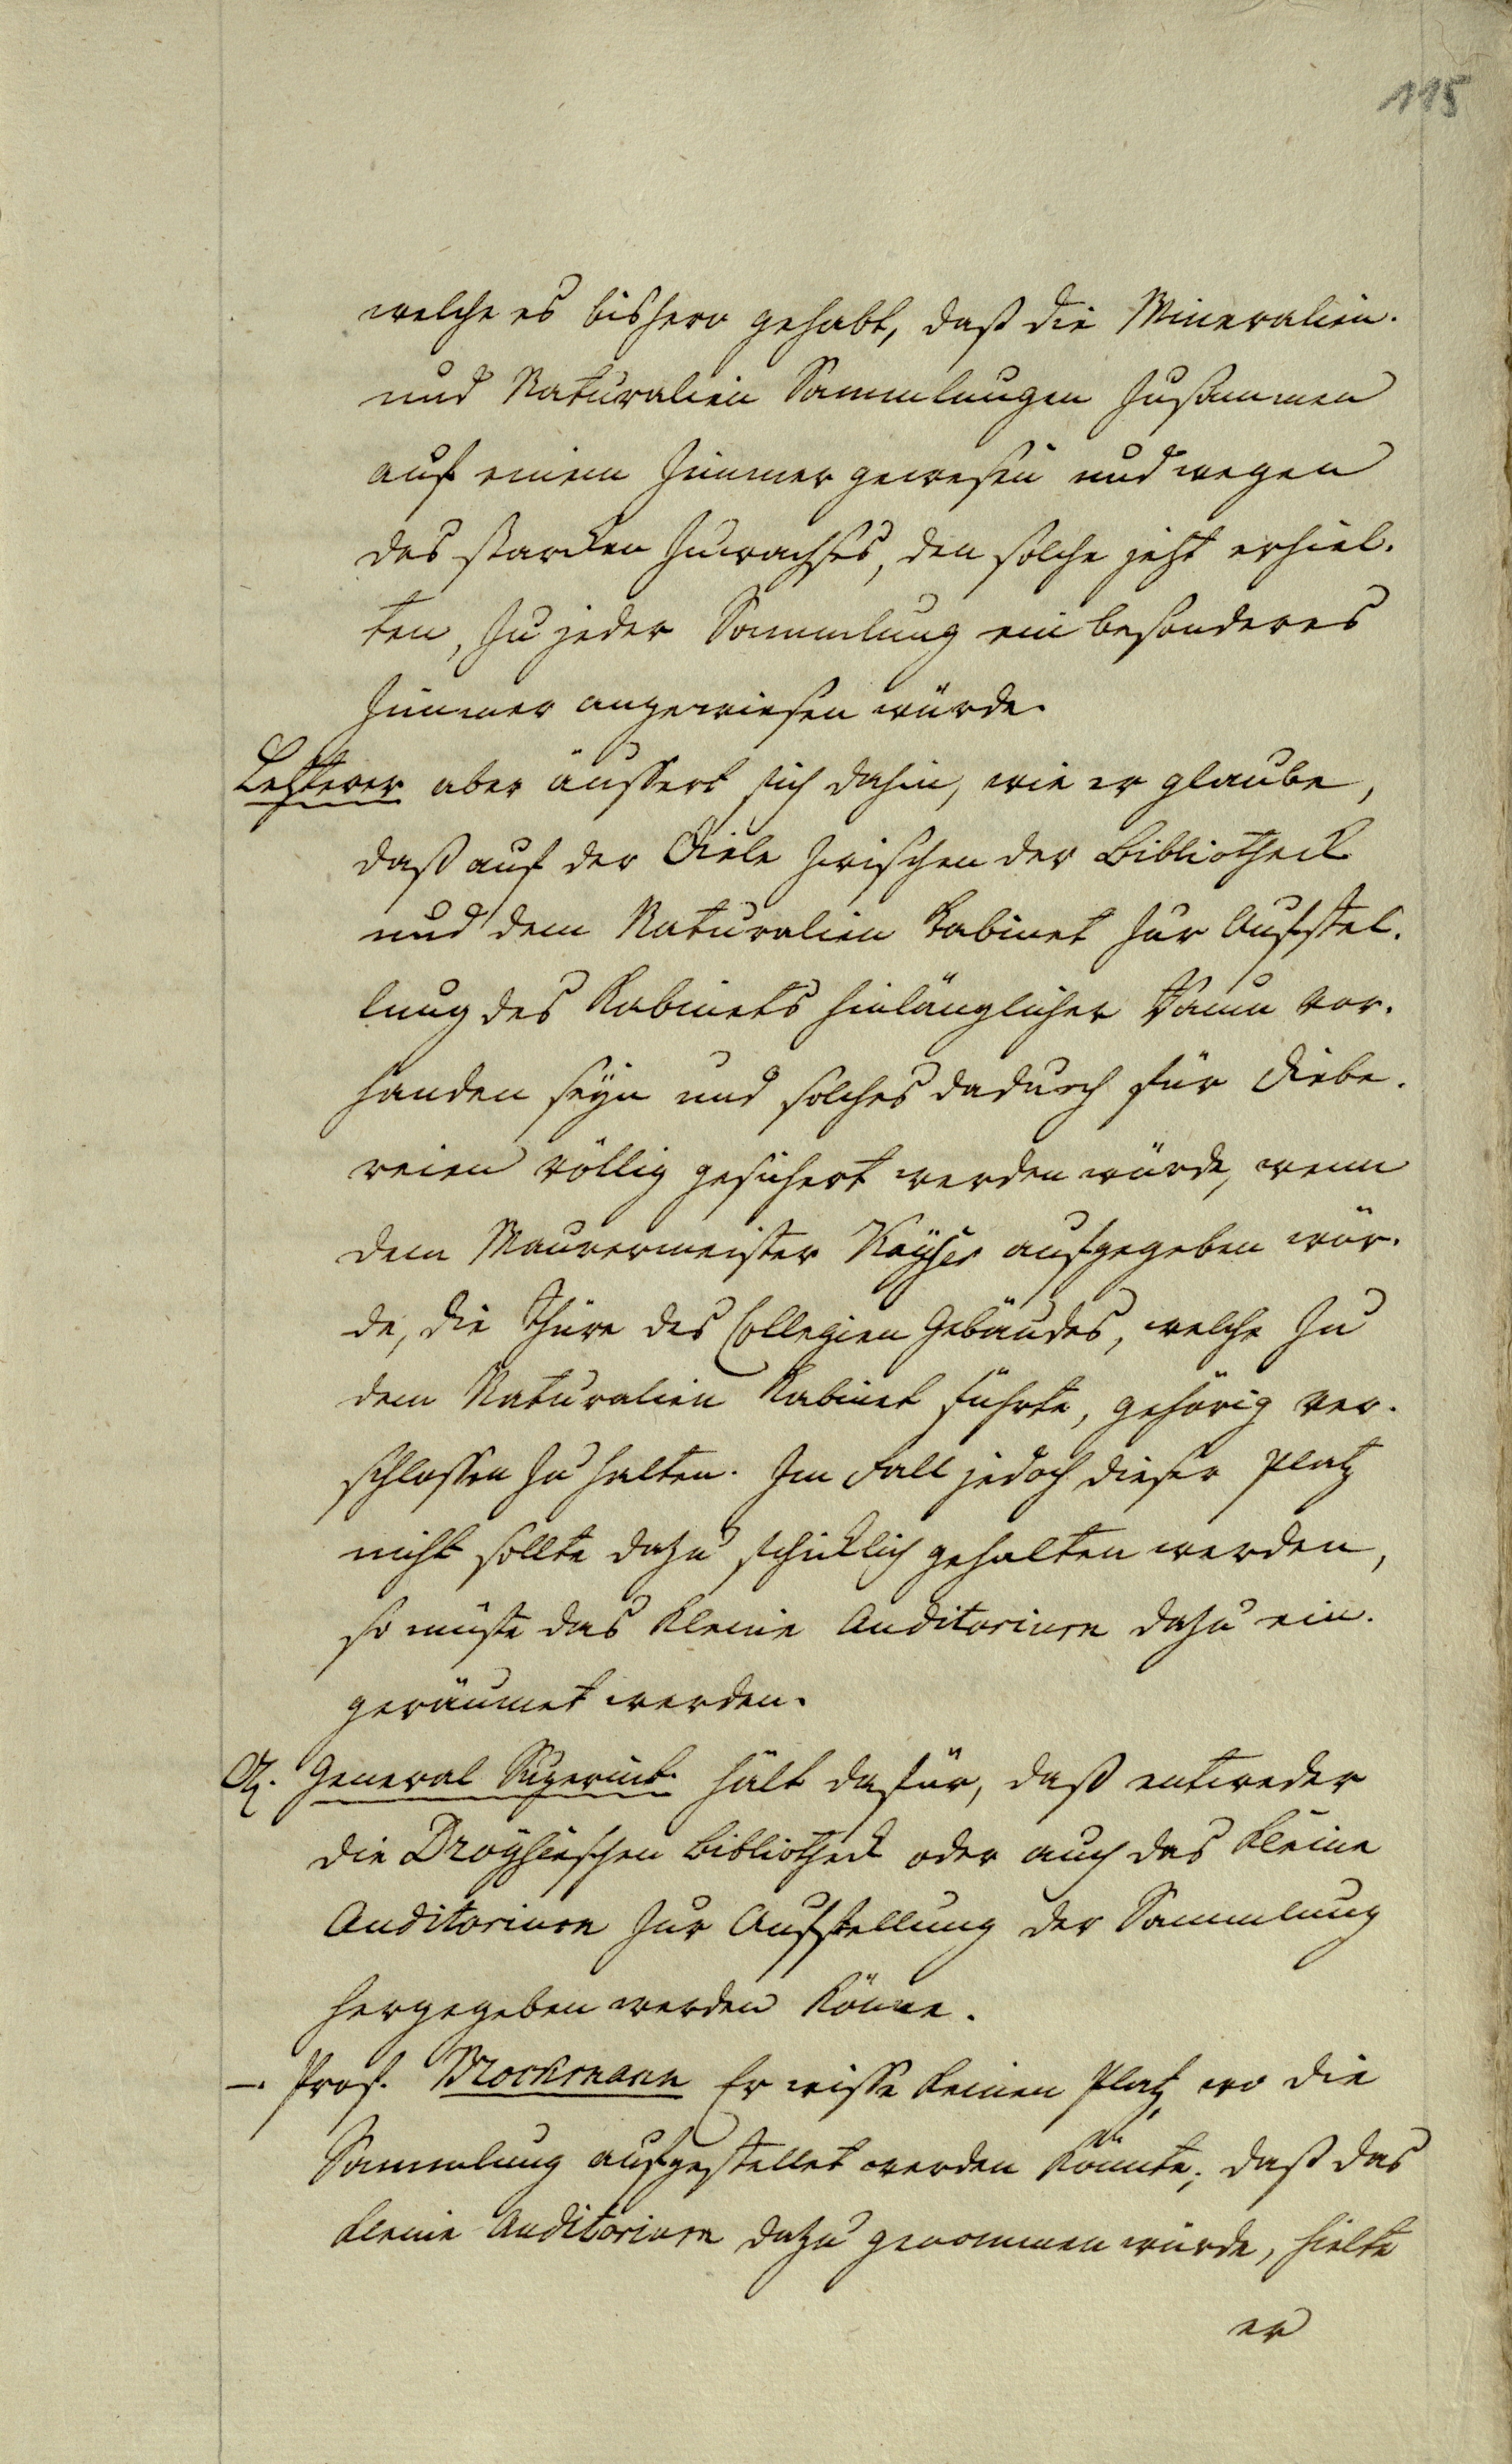welche es bishero gehabt, daß die Mineralien¬
und Naturalien Sammlungen zusammen
auf einem Zimmer gewesen und wegen
des starcken Zuwachses, den solche jetzt erhiel¬
ten, zu jeder Sammlung ein besonderes
Zimmer angewiesen würde.
Letzterer aber äussert sich dahin, wie er glaube,
daß auf der Diele zwischen der Bibliotheck
und dem Naturalien Kabinet zur Aufstel¬
lung des Kabinets hinlänglicher Raum vor¬
handen seÿn und solches dadurch für Diebe¬
reien völlig gesichert werden würde, wenn
dem Maurermeister Kaÿser aufgegeben wür¬
de, die Thüre des Collegien Gebäudes, welche zu
dem Naturalien Kabinet führte, gehörig ver¬
schlossen zu halten. Im Fall jedoch dieser Platz
nicht sollte dazu schicklich gehalten werden,
so müsse das kleine Auditorium dazu ein¬
geräumet werden.
dh. General Superint. hält dafür, daß entweder
die Droÿsenschen Bibliotheck oder auch das kleine
Auditorium zur Aufstellung der Sammlung
hergegeben werden könne.
Prof. Brockmann Er wisse keinen Platz, wo die
Sammlung aufgestellet werden könnte; daß das
kleine Auditoriom dazu genommen würde, hielte
er